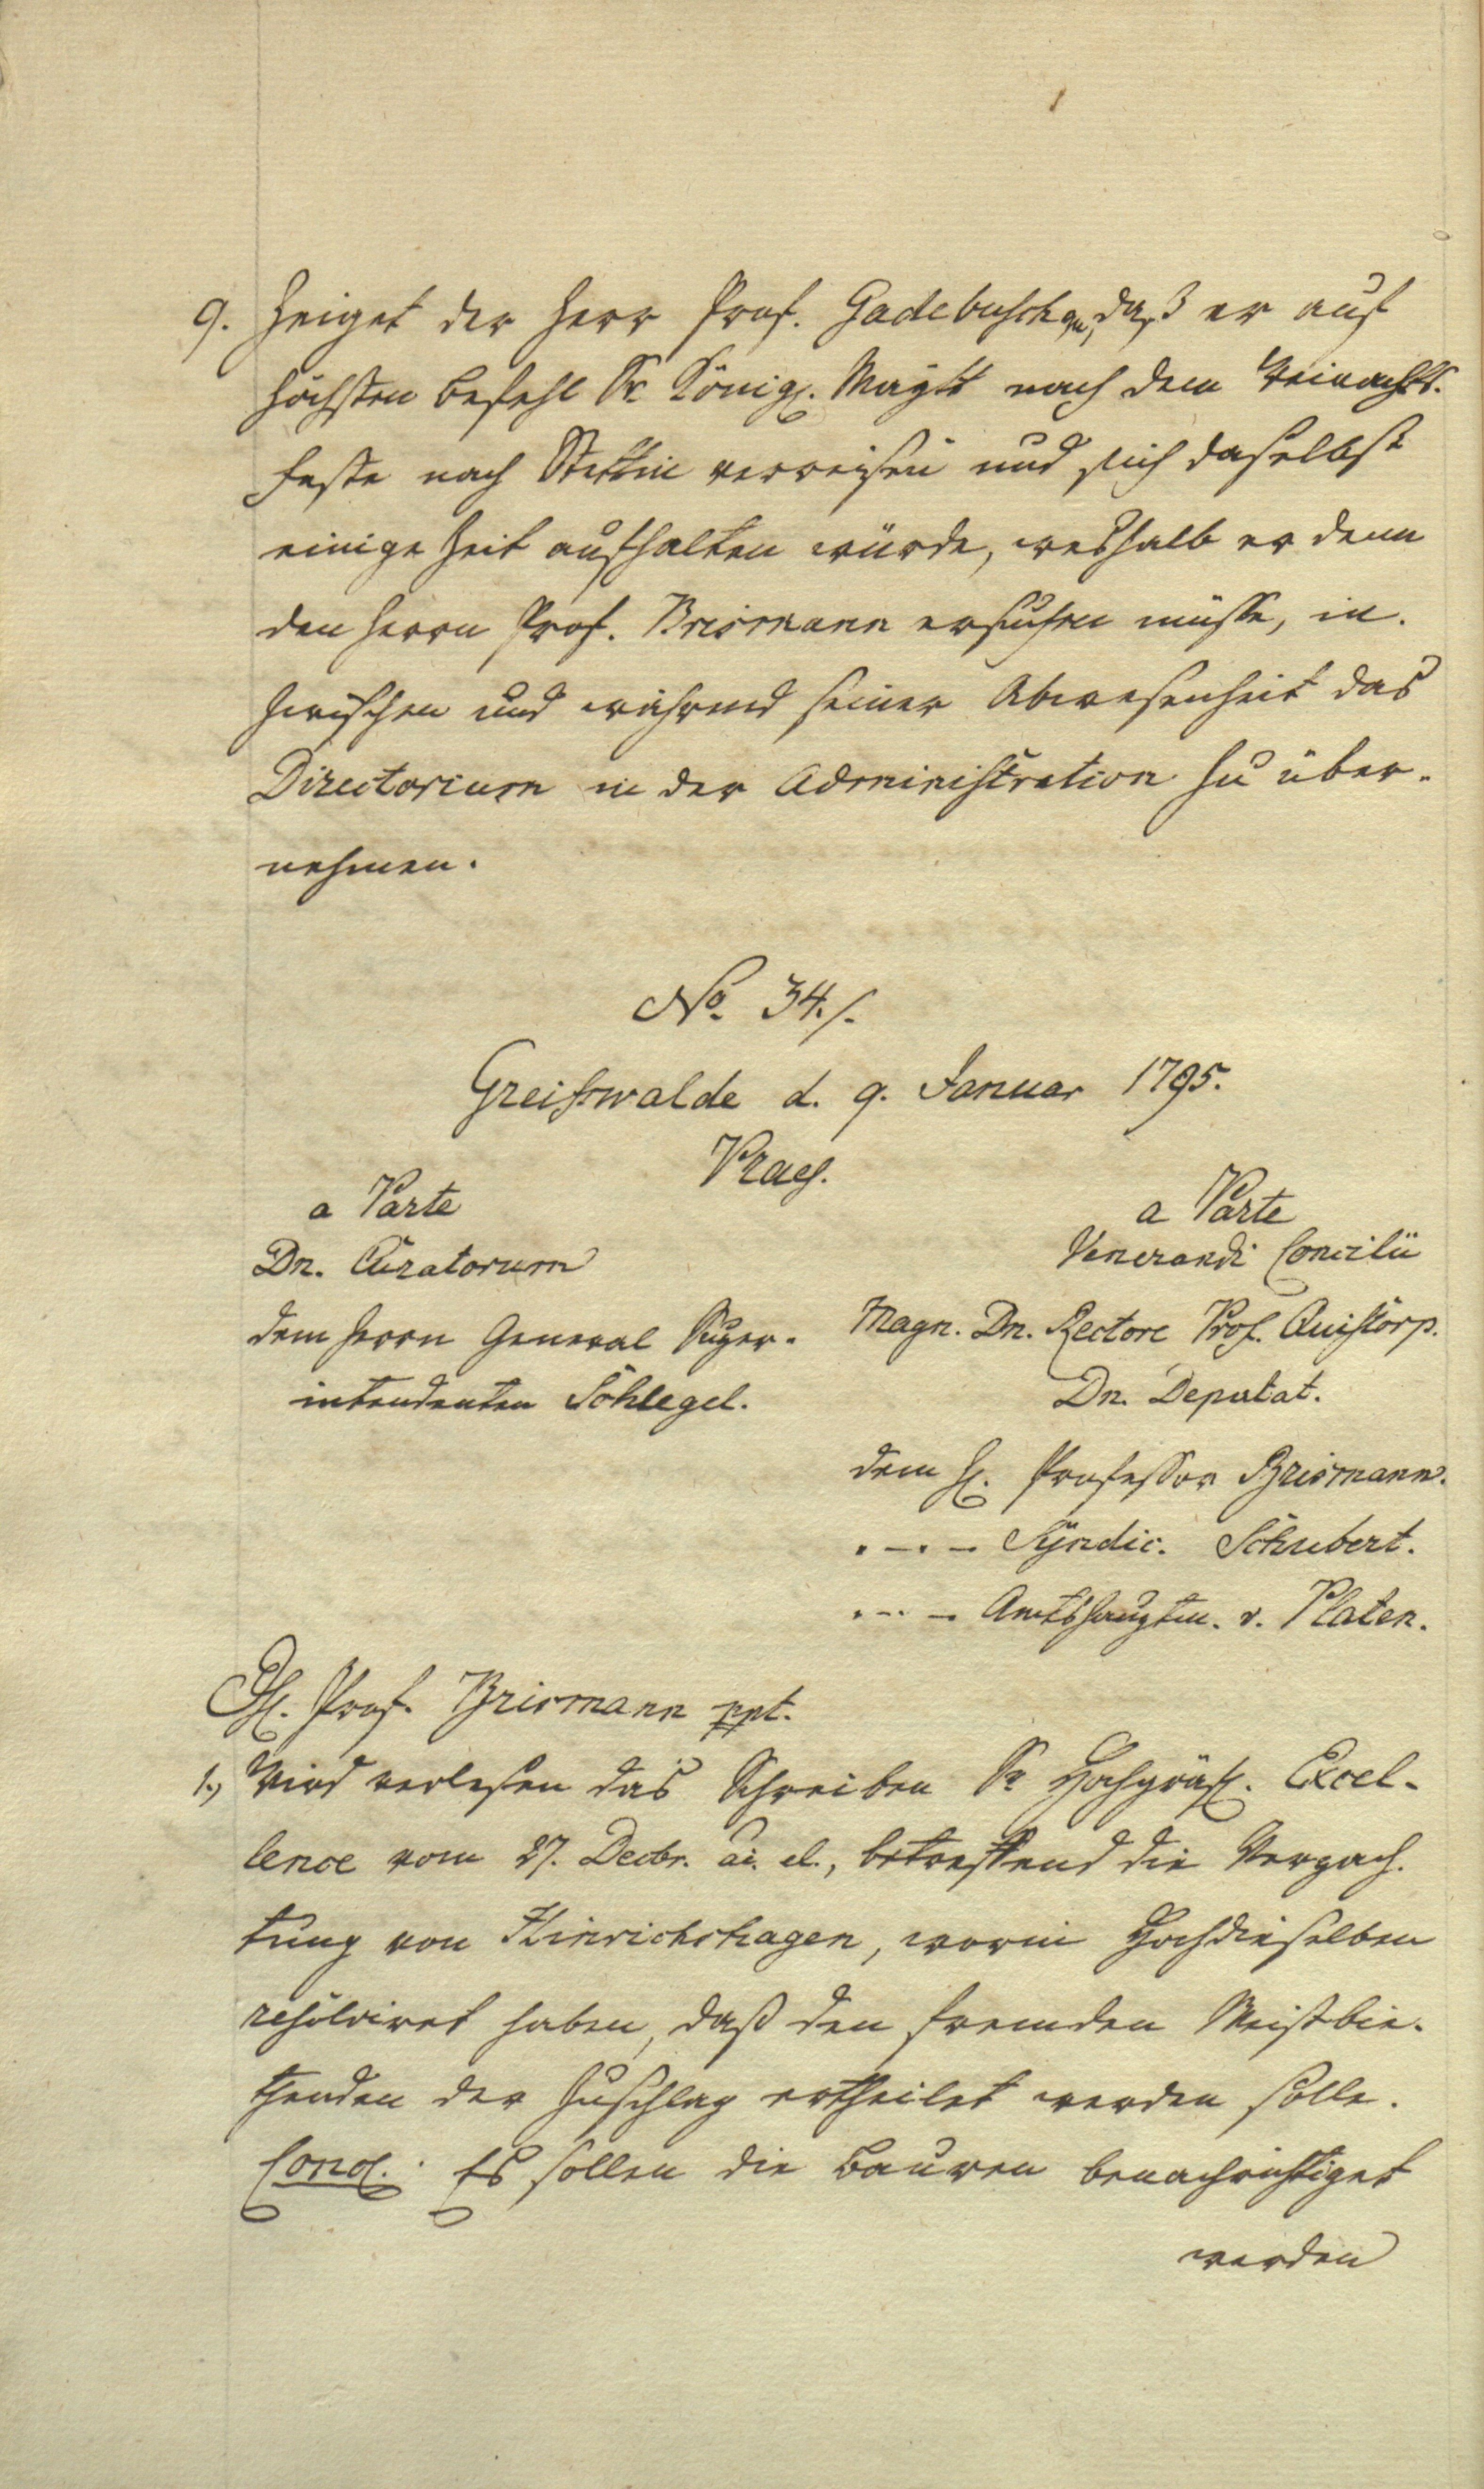9. Zeiget der Herr Prof. Gadebusch an, daß er auf
höchsten Befehl Sr Königl. Maÿtt. nach dem Weinachts¬
feste nach Stettin verreisen und sich daselbst
einige Zeit aufhalten würde, weshalb er denn
den Herrn Prof. Brismann ersuchen müsse, in¬
zwischen und während seiner Abwesenheit das
Directorium in der Administration zu über¬
nehmen.
No. 34.
Greifswalde d. 9. Januar 1795.
Praes.
a Parte a Parte
Dn. Curatorum Venerandi Concilii
dem Herrn General Super¬ Magn. Dn. Rectore Prof. Quistorp.
intendenten Schlegel. Dn. Deputat.
dem H. Professor Brismann.
Sÿndic. Schubert.
Amtshauptm. v. Platen.
dh. Prof. Brismann ppt.
1., Wird verlesen das Schreiben Sr Hochgräfl. Excel¬
ence vom 27. Decbr. ai. el., betreffend die Verpach¬
tung von Hinrichshagen, worin Hochdieselben
resolviret haben, daß den fremden Meistbie¬
thenden der Zuschlag ertheilet werden solle.
Concl. Es sollen die Bauren benachrichtiget
werden